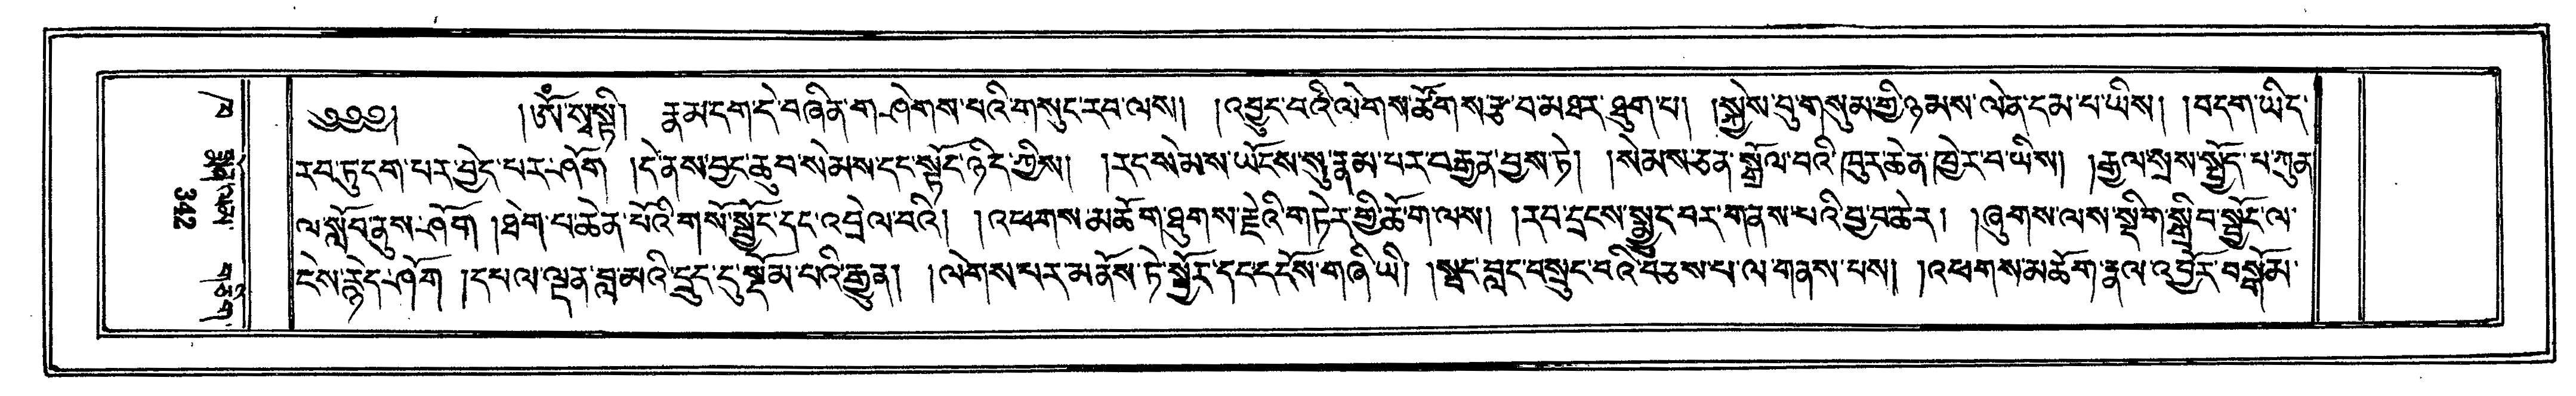༄༅༅། །ཨོཾ་སྭསྟི། རྣམ་དག་དེ་བཞིན་གཤེགས་པའི་གསུང་རབ་ལས། །འབྱུང་བའི་ལེགས་ཚོགས་རྩ་བ་མཐར་ཐུག་པ། །སྐྱེས་བུ་གསུམ་གྱི་ཉམས་ལེན་དམ་པ་ཡིས། །བདག་ཡིད་
རབ་ཏུ་དག་བར་བྱེད་པར་ཤོག །དེ་ནས་བྱང་ཆུབ་སེམས་དང་སྟོང་ཉིད་ཀྱིས། །རང་སེམས་ཡོངས་སུ་རྣམ་པར་བརྒྱན་བྱས་ཏེ། །སེམས་ཅན་སྒྲོལ་བའི་ཁུར་ཆེན་ཁྱེར་བ་ཡིས། །རྒྱལ་སྲས་སྤྱོད་པ་ཀུན་
ལ་སློབ་ནུས་ཤོག །ཐེག་པ་ཆེན་པོའི་གསོ་སྦྱོང་དང་འབྲེལ་བའི། །འཕགས་མཆོག་ཐུགས་རྗེའི་གཏེར་གྱི་ཆོ་ག་ལས། །རབ་དྲངས་སྨྱུང་བར་གནས་པའི་བྱ་བ་ཆེར། །ཞུགས་ལས་སྡིག་སྒྲིབ་སྦྱོང་ལ་
ངེས་རྙེད་ཤོག །དཔལ་ལྡན་བླ་མའི་དྲུང་དུ་སྡོམ་པའི་རྒྱུན། །ལེགས་པར་མནོས་ཏེ་སྦྱོར་དང་དངོས་གཞི་ཡི། །སྤང་བླང་བསྲུང་བའི་བཅས་པ་ལ་གནས་པས། །འཕགས་མ་ཆོག་རྣལ་འབྱོར་བསྒོམ་